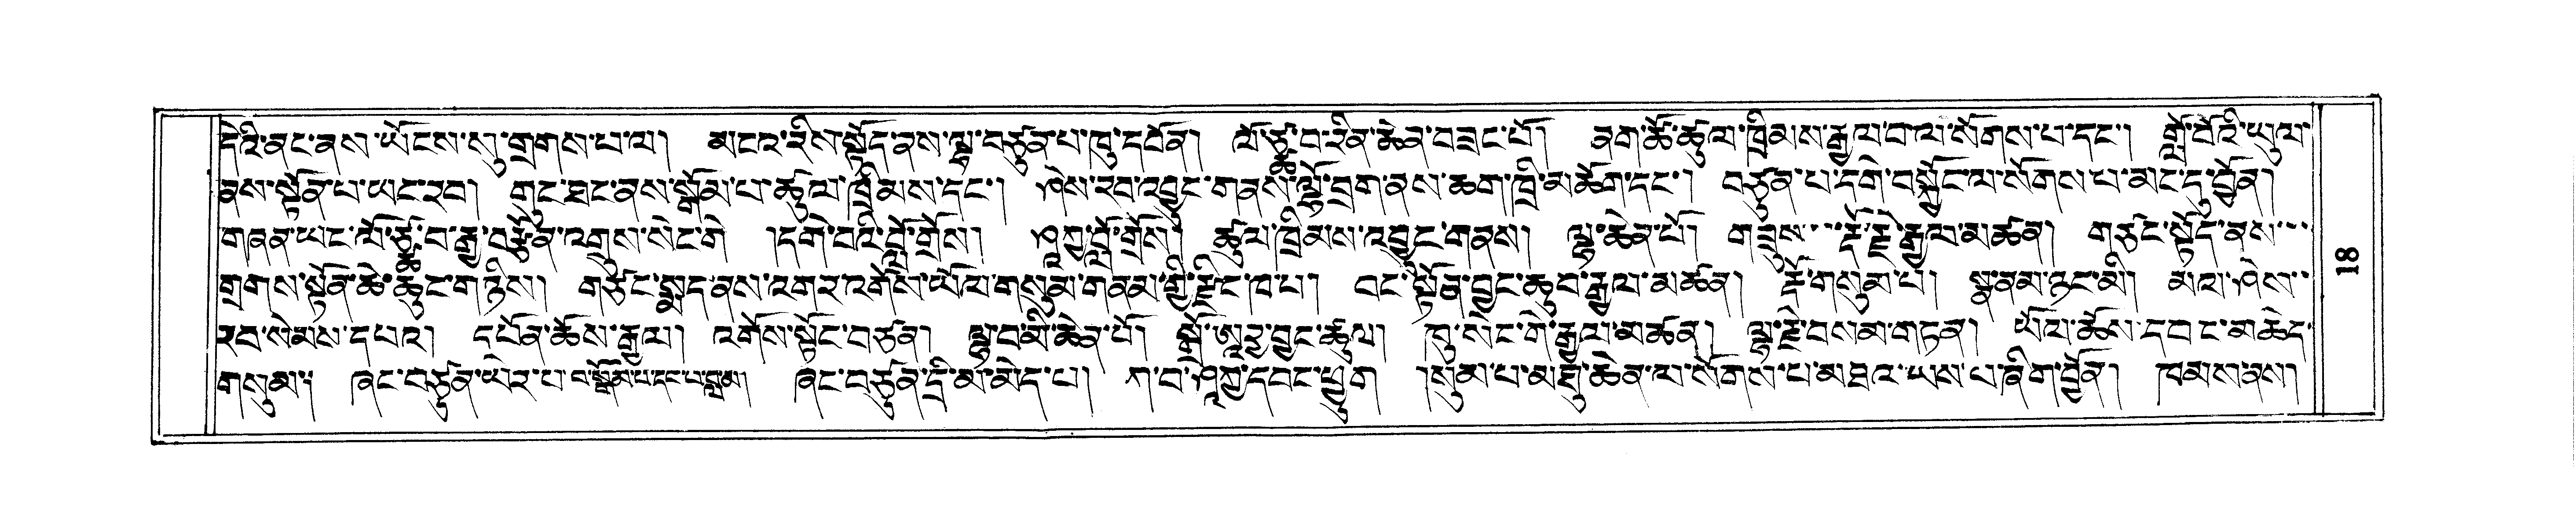དེའི་ནང་ནས་ཡོངས་སུ་གྲགས་པ་ལ། མངའ་རིས་སྟོད་ནས་ལྷ་བཙུན་པ་ཁུ་དཔོན། ལོ་ཙྪ་བ་རིན་ཆེན་བཟང་པོ། །ནག་ཚོ་ཚུལ་ཁྲིམས་རྒྱལ་བ་ལ་སོགས་པ་དང་། གློ་བོའི་ཡུལ་
ནས་སྟོན་པ་ཡང་རབ། གུང་ཐང་ནས་སྒོམ་པ་ཚུལ་ཁྲིམས་དང་། ཤེས་རབ་འབྱུང་གནས་ལྷོ་བྲག་ནས་ཆག་ཁྲི་མཆོག་དང་། བཙུན་པ་དགེ་བསྐྱོང་ལ་སོགས་པ་མང་དུ་བྱོན།
གཞན་ཡང་ལོ་ཙྪ་བ་རྒྱ་བརྩོན་འགྲུས་སེངྒེ །དགེ་བའི་བློ་གྲོས། ཤཱཀྱ་བློ་གྲོས། ཚུལ་ཁྲིམས་འབྱུང་གནས། ལྷ་ཆེན་པོ། གཟུས་རྡོ་རྗེ་རྒྱལ་མཚན། གཙང་སྟོད་ནས་
གྲགས་སྟོན་ཆེ་ཆུང་གཉིས། གཙང་སྨད་ནས་འགར་འགོས་ཡོལ་གསུམ་གནམ་གྱི་རྫིང་ཁ་པ། བང་སྟོན་བྱང་ཆུབ་རྒྱལ་མཚན། རྡོ་གསུམ་པ། སྣ་ནམ་ཉང་མི། མལ་ཤེས་
རབ་སེམས་དཔའ། དཔོན་ཆོས་རྒྱལ། འགོས་སྟོང་བཙན། ལྷ་བ་མི་ཆེན་པོ། སྒྲོ་ཨཱརྱ་བྱང་ཚུལ། ཁུ་སེངྒེ་རྒྱལ་མཚན། ལྷ་རྗེ་བསམ་གཏན། ཡོལ་ཆོས་དབང་མཆེད་
གསུམ༑ ཞང་བཙུན་ཡེར་པ་བ་སྒོམ་པ་དང་པ་བླ་མ། ཞང་བཙུན་དྲི་མ་མེད་པ། ཀ་བ་ཤཱཀྱ་དབང་ཕྱུག །སུམ་པ་མཐུ་ཆེན་ལ་སོགས་པ་མཐའ་ཡས་པ་ཞིག་བྱོན། ཁམས་ནས།